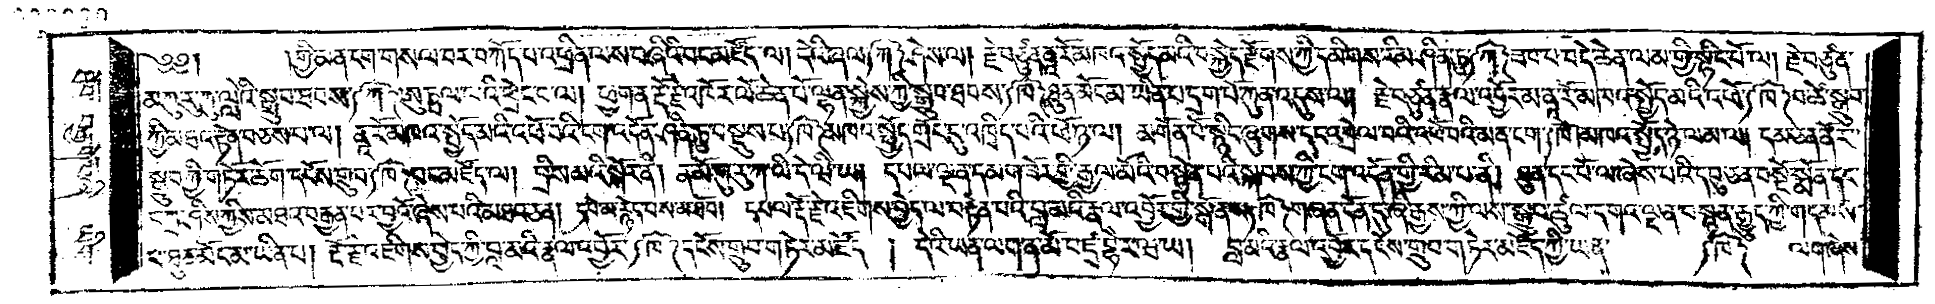༄༅། །གྱི་མན་ངག་གསལ་བར་བཀོད་པ་འཕྲིན་ལས་བཞིའི་བང་མཛོད་ལ། དེའི་ཞལ ༼ཀ༽ ཤེས་ལ། རྗེ་བཙུན་ནཱ་རོ་མཁའ་སྤྱོད་མའི་བསྐྱེད་རྫོགས་ཀྱི་དམིགས་རིམ་ཤིན་ཏུ ༼ཀ༽ ཟབ་པ་བདེ་ཆེན་ལམ་གྱི་སྙིང་པོ་ལ། རྗེ་བཙུན་
མ་ཀུ་རུ་ཀུ་ལླེའི་སྒྲུབ་ཐབས ༼ཀ༽ ཨུཏྤལ་ལའི་ཕྲེང་བ་ལ། ཕྱག་ན་རྡོ་རྗེ་འཁོར་ལོ་ཆེན་པོ་ལྷན་སྐྱེས་ཀྱི་སྒྲུབ་ཐབས ༼ཁ༽ ཐུན་མོང་མ་ཡིན་པ་དྲག་པོ་ཀུན་འདུས་ལ། རྗེ་བཙུན་རྣལ་འབྱོར་མ་ནཱ་རོ་མཁའ་སྤྱོད་མའི་འཕོ ༼ཁ༽ བ་ཚེ་སྒྲུབ་
ཀྱི་མཐའ་རྟེན་བཅས་པ་ལ། ནཱ་རོ་མཁའ་སྤྱོད་མའི་འཕོ་བའི་ངག་འདོན་ཤིན་ཏུ་བསྡུས་པ ༼ཁ༽ མཁའ་སྤྱོད་གྲོང་དུ་འཁྲིད་པའི་ཕོ་ཉ་ལ། མགོན་པོ་སྙིང་ཞུགས་དང་འབྲེལ་བའི་འཕོ་བའི་མན་ངག ༼ཁ༽ མཁའ་སྤྱོད་ཉེ་ལམ་ལ། དམ་ཅན་ནོར་
སྒྲུབ་ཀྱི་གཏོར་ཆོག་དངོས་གྲུབ ༼ཁ༽ བང་མཛོད་ལ། བྲིས་མའི་སྐོར་ནི། ན་མོ་གུ་རུ་ཀ་ལི་དེ་ཝི་ཡ། དཔལ་ལྡན་དམག་ཟོར་གྱི་རྒྱལ་མོའི་བསྙེན་པའི་སྐབས་ཀྱི་ངག་འདོན་གྱི་རིམ་པ་ནི། ཐུན་དང་པོ་ལ་ཞེས་པའི་དབུ་ཅན་བསྔོ་སྨོན་དང་
བཀྲ་ཤིས་ཀྱིས་མཐའ་བརྒྱན་པར་བྱའོ་ཞེས་པའི་མཐའ་ཅན། དཔེ་མ་རྙེད་པས་མ་ཐོབ། དཔལ་རྡོ་རྗེ་འཇིགས་བྱེད་ལ་བརྟེན་པའི་བླ་མའི་རྣལ་འབྱོར་གྱི་སྒོ་ནས ༼ཁ༽ གཞན་དོན་དུ་ཞི་རྒྱས་ཀྱི་ལས་སྒྲུབ་ཚུལ་དགའ་ལྡན་བསྙན་རྒྱུད་ཀྱི་གདམས་
པ་ཐུན་མོང་མ་ཡིན་པ། རྡོ་རྗེ་འཇིགས་བྱེད་ཀྱི་བླ་མའི་རྣལ་འབྱོར ༼ཁ༽ དངོས་གྲུབ་གཏེར་མཛོད། དེའི་ཡན་ལག་ན་མོ་བཛྲ་བྷཻ་ར་ཝ་ཡ། བླ་མའི་རྣལ་འབྱོར་དངོས་གྲུབ་གཏེར་མཛོད་ཀྱི་ཡན ༼ཁ༽ ལག་ཞེས་